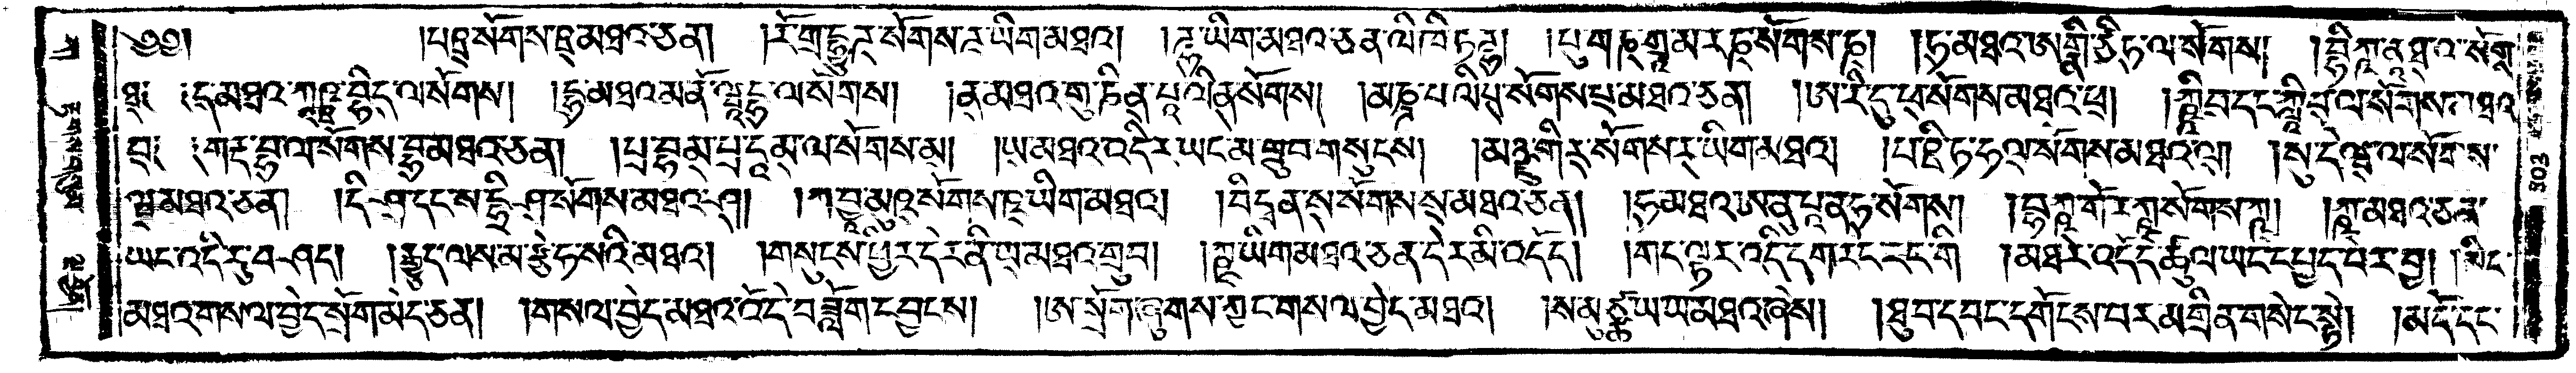༄༅། །པཥ་སོགས་ཊཿཨ་མཐའ་ཅན། །རོ་གྲ་དྷུ་ཌ་སོགས་ཌ་ཡིག་མཐའ། །ཌཱ་ཡིག་མཐའ་ཅན་ལི་ཁི་ཏ་ཌ། །པུ་གཎ་གཱ་མར་ཎ་སོགས། །ཧ་མཐའ་ཨ་གནི་ཅི་ཧ་ལ་སོགས། །བྷི་ཀཱ་ནཱ་ཐ་ལ་སོགས་
ཐ?། །ད་མཐའ་ཀཱ་?་བྷིད་ལ་སོགས། །དྷ་མཐའ་མ་ནོ་ཝཱ་དྷ་ལ་སོགས། །ན་མཐའ་གུ་ནི་ན་པཱ་ལིན་སོགས། །མཎྜ?་པ་ལ་པྲ་སོགས་པྲ་མཐའ་ཅན། །ཨ་རི་དུ་ཕ་སོགས་མཐའ་ཕྲ། །? བ་དང་ཀཱི་བ་ལ་སོགས་མཐའ་
བ། །གརྡ་བྷྲ་བ་སོགས་བྷ་མཐའ་ཅན། །པྲ་བྷ་མ་པྲ་དཱ་མ་ལ་སོགས་མ། །ཡ་མཐའ་འདིར་ཡང་མ་གྲུབ་གསུངས། །མཉྫུ་གིར་སོགས་ར་ཡིག་མཐའ། །ཊཿཨ་ཏ་ཧ་ལ་སོགས་མཐའ་ལ། །སུ་དེ་ཝ་ལ་སོགས་
ལྔ་མཐའ་ཅན། །དི་ཤ་དང་ས་དྷྲི་ཤ་སོགས་མཐའ་ཤ། །ཀ་བྱ་མུཥ་སོགས་ཥ་ཡིག་མཐའ། །བི་དྭན་ན་ས་སོགས་མཐའ་ཅན། །ཧྲ་མཐའ་ཨ་ནུ་པཱ་ན་ཧ་སོགས། །བྷ་ཀྵ་གོ་ར་ཀྲ་སོགས་ཀཱ། །ཀྵ་མཐའ་ཅན་
ཡང་འདི་རུ་བཤད། །རྒྱུད་ལས་མ་རྩེ་ཧ་སའི་མཐའ། །གསུངས་ཕྱིར་དེར་ནི་ཡ་མཐའ་གྲུབ། །? ཡིག་མཐའ་ཅན་དེར་མི་འདོད། །གང་ལྟར་འདི་དག་རིང་རང་གི། །མཐར་འདོད་ཚུལ་ཡང་དཔྱད་བར་བྱ། །མིང་
མཐའ་གསལ་བྱེད་སྲོག་མེད་ཅན། །གསལ་བྱེད་མཐའ་འོ་དེ་བཟློག་དབྱངས། །ཨ་སྲོག་ཞུགས་ཀྱང་གསལ་བྱེད་མཐའ། །ས་མུ་ཙྪ་ཡ་མཐའ་ཞེས། །ཐུབ་དབང་དགོངས་པར་མགྲིན་གསེང་སྟེ། །མདོ་དང་།